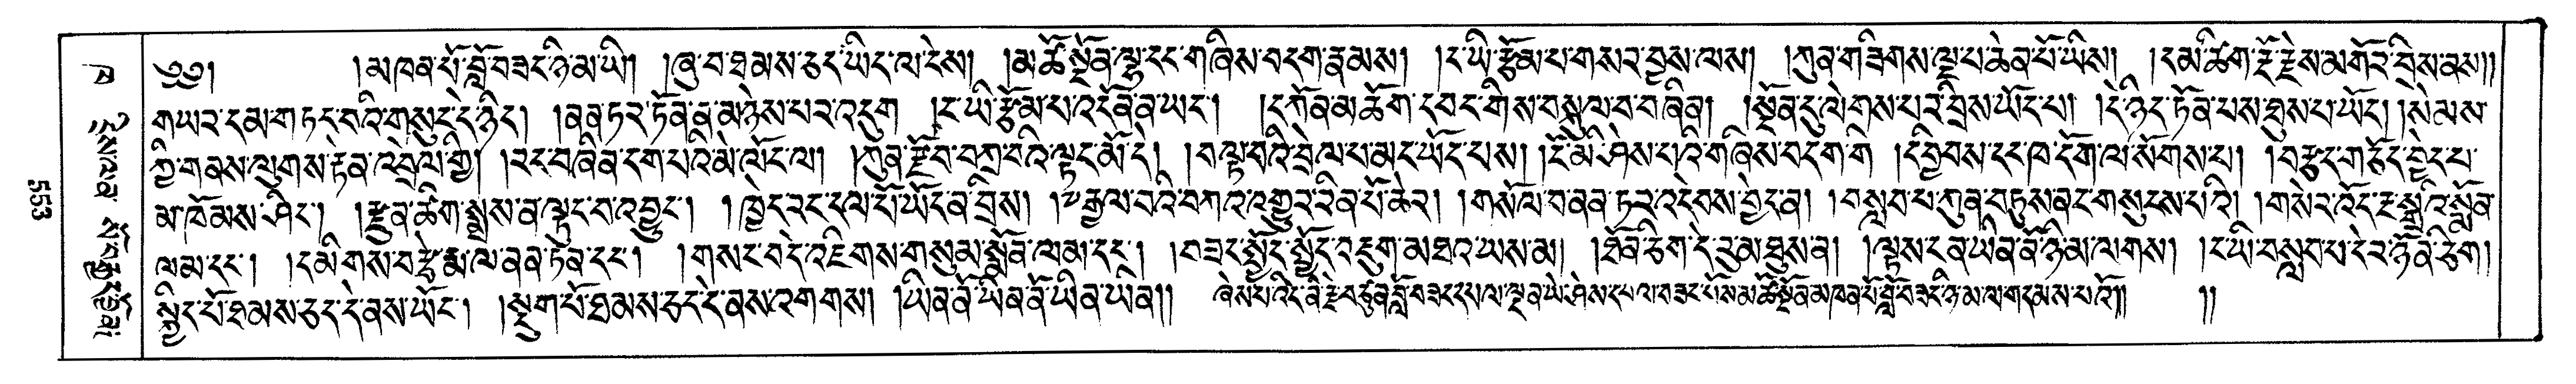༄༅། །མཁན་པོ་བློ་བཟང་ཉི་མ་ཡི། །ཞུ་བ་ཐམས་ཅད་ཡིད་ལ་ངེས། །མཚོ་སྔོན་ལྷ་དང་གཞིས་བདག་རྣམས། །ང་ཡི་རྩོམ་པ་གསར་བྱས་ལས། །ཀུན་གཟིགས་ལྔ་པ་ཆེན་པོ་ཡིས། །དམ་ཚིག་རྡོ་རྗེས་མགོར་བྲིས་ནས་
གཡར་དམ་གཏང་པའི་གསུང་དེ་ཉིད། །ནན་ཏན་ཏེན་ན་མཉེས་པར་འདུག །ང་ཡི་རྩོམ་པ་འདོན་ན་ཡང་། །དཀོན་མཆོག་དབང་གིས་བསྐུལ་བ་བཞིན། །སྔོན་དུ་ལེགས་པར་བྲིས་ཡོད་པ། །དེ་ཉིད་ཏོན་པས་ཐུས་པ་ཡོད། །སེམས་
ཀྱི་གནས་ལུགས་རྟེན་འབྲེལ་གྱི། །རང་བཞིན་དག་པའི་མེ་ལོང་ལ། །ཀུན་རྫོབ་བཀྲ་པའི་ལྟད་མོ་དེ། །བལྟ་བའི་བྲེལ་བ་མང་ཡོད་པས། །ངོ་མི་ཤེས་པའི་གཞིས་བདག་གི། །དབྱིབས་དང་ཁ་དོག་ལ་སོགས་པ། །བརྩད་གཅོད་བྱེད་པ་
མ་ཁོམས་ཤིང་། །རྫུན་ཚིག་སྨྲས་ན་ལྟུང་བ་འབྱུང་། །ཁྱེད་རང་དལ་པོ་ཡོད་ན་བྲིས། །༈ རྒྱལ་བའི་བཀའ་འགྱུར་རིན་པོ་ཆེར། །གསོལ་བ་ནན་ཏར་འདེབས་བྱེད་ན། །བསླབ་པ་ཀུན་བཏུས་ནང་གསུངས་པའི། །གསེར་འོད་རྔ་སྒྲའི་སྨོན་
ལམ་དང་། །དམིགས་བརྩེ་མ་ལ་ནན་ཏན་དང་། །གསང་བདེ་འཇིགས་གསུམ་སྨོན་ལམ་དང་། །བཟང་སྤྱོད་སྤྱོད་འཇུག་མཐའ་ཡས་མ། །ཐོན་ཅིག་དེ་རུ་མ་ཐུས་ན། །ལྟས་ངན་ཡིན་ནོ་ཉི་མ་ལགས། །ང་ཡི་བསླབ་པ་དེར་ཉོན་ཅིག །
སྐྱིད་པོ་ཐམས་ཅད་དེ་ནས་ཡོང་། །སྡུག་པོ་ཐམས་ཅད་དེ་ནས་འགགས། །ཡིན་ནོ་ཡིན་ནོ་ཡིན་ཡིན།། ཞེས་པ་འདི་ནི་རྗེ་བཙུན་བློ་བཟང་དཔལ་ལྡན་ཡེ་ཤེས་དཔལ་བཟང་པོས་མཚོ་སྔོན་མཁན་པོ་བློ་བཟང་ཉི་མ་ལ་གདམས་པའོ།། །།